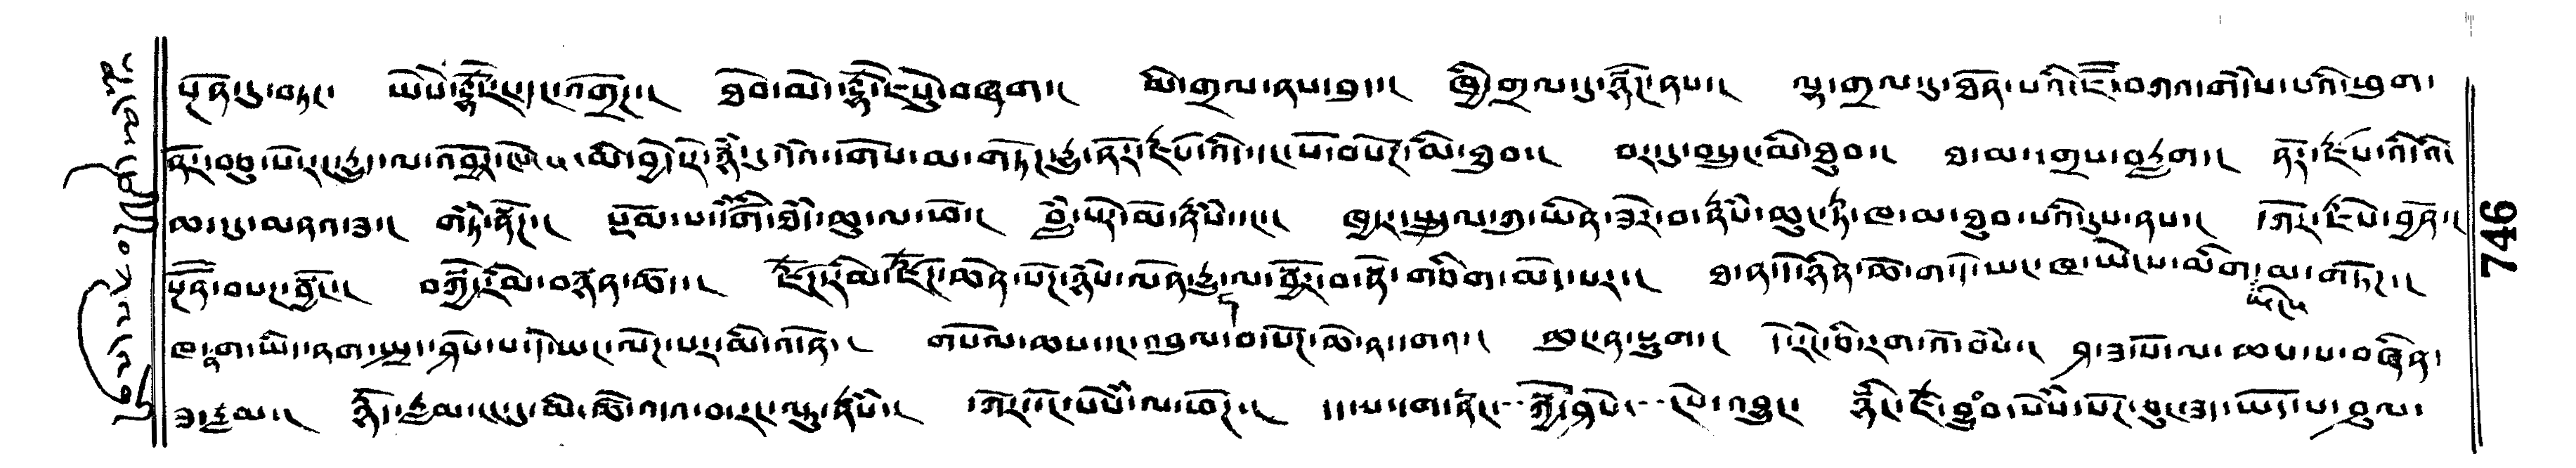སྔོན་དུ་བཏང་། ཡེ་ཤེས་རྡོ་རྗེ་རང་དང་འགྲོགས། ཐེབ་མེད་རྡོ་རྗེ་རྗེས་སུ་བཞག མི་གྲལ་ནས་བུད། ཁྱི་གྲལ་དུ་སྙོགས་ནས། ལྷ་གྲལ་དུ་ཐོན་པའི་ཇོ་བོ་བཀའ་གདམས་པའི་ཕུག་
ནོར་བཅུ་པོ་རང་རྒྱུད་ལ་འབྱོར་ངེས་པ་མི་བྱེད་རེ་སྙམ་དུ་དམ་བཅའ་དགོས་མ་གཏོགས་རྒྱུ་ནོར་རྫས་འདྀ་དང་པོ་གསོག་མི་ཐུབ། བར་དུ་བསྲུང་མི་ཐུབ། ཐ་མ་དགྲས་བརླག ནོར་རྫས་འདིའི་
ཆད་དུ་མནའ་ཟ། གཏམ་སྣོགས། སྡོམ་པ་དམ་ཚིག་ཐམས་ཅད་ཆུ་ལ་ཕོ། བླ་མར་སེར་མོ་རྣམས་དང་། ཁྱད་པར་སྤྲུལ་སྐུ་ཡིན་ཟེར་བ་རྣམས་ཆུང་རྟ་ཁ་མ་ཐུབ་པའི་དུས་ནས།དཀོར་རྗེས་ལ་བྱོན། 
སྔོན་འགྲོ་བསགས་སྦྱོང་། བསྐྱེད་རིམ་བསྙེན་ཚད། རྫོགས་རིམ་རྫོགས་ཆེན་སོགས་ཉམས་ལེན་རྒྱུད་ལ་སྦྱོར་བ་སྣེ་གཅིག་མེད་པར། ཐ་ན་དེ་ཉིན་ཆོ་ག་དེ་ཡང་ཁ་ཡེངས་མིག་ཡེངས་མ་གཏོགས། 
ཁ་ནག་ཡིད་ནག་སྤྲོད་ཤེས་པ་དེ་ཡང་ལེགས་པར་མི་འདོན། གསོལ་ཆས་དང་འབུལ་བ་སོགས་ཆེ་ན་དགའ། ཆུང་ན་སྡུག དེ་རིང་ཅི་རག་འོང་བསམ། ཤ་ཟ་སོ་ལ་ཆས་པ་བཞིན་
ཟ་རློམ། རྙེད་རློམ་ངང་དུ་མི་ཚེ་འདའ་བ་རང་ལྟ་བུ་རྣམས། དཀོར་ངོ་སེམས་ལ་ཕོགས། དད་པ་དག་སྣང་། སྐྱོ་ཤས་ངེས་འབྱུང་། སྙིང་རྗེ་བྱང་ཆུབ་སེམས་སོགས་ཅུང་ཟད་ཡོད་པ་ཤུལ་